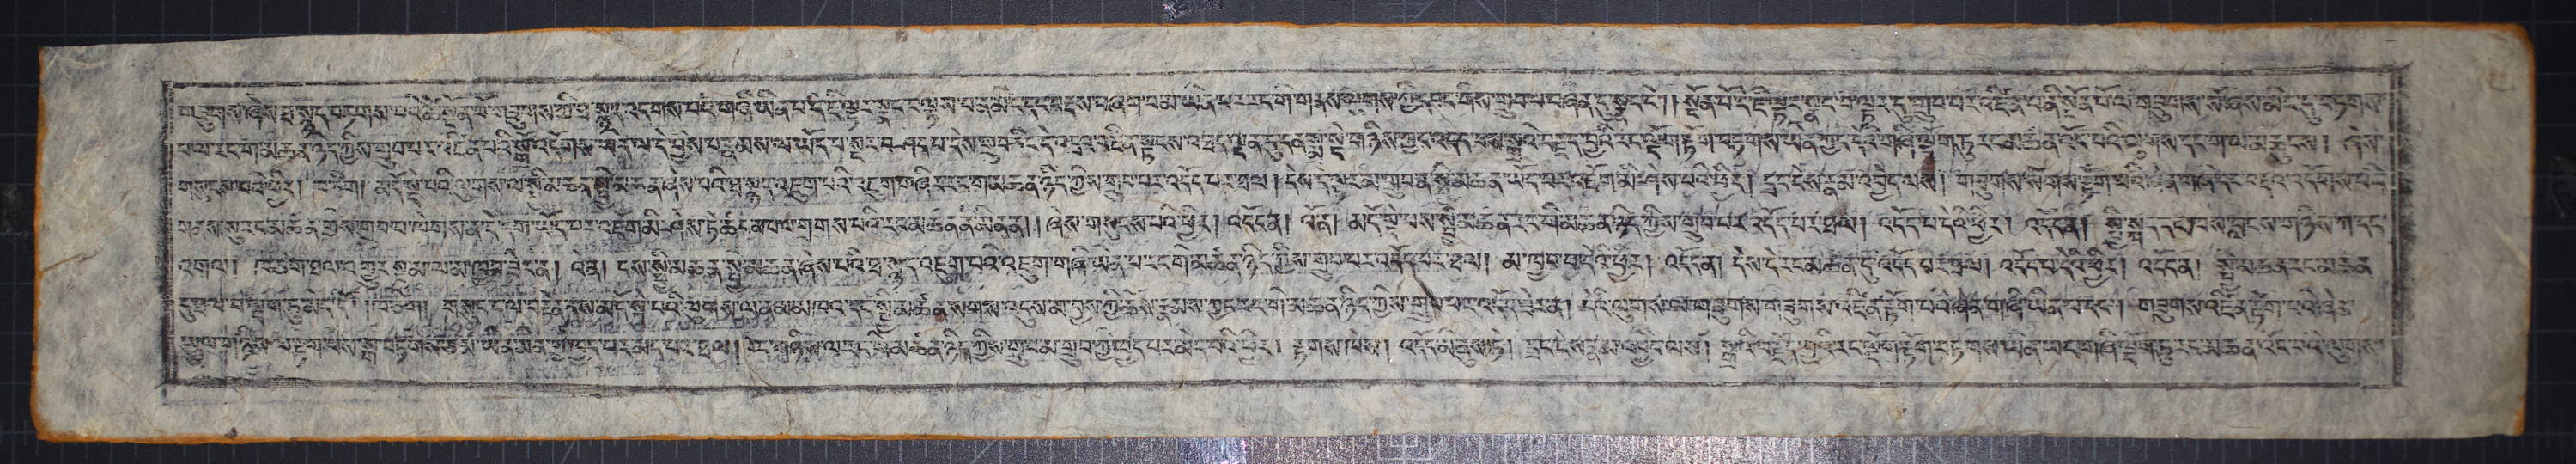གཟུགས་ཞེས་ཐ་སྙད་བཏགས་པའི་ཚེ་སྔོན་པོ་གཟུགས་ཀྱི་ཐ་སྙད་འཇུགས་པའི་གཞི་ཡིན་པ་དེ་ཇི་ལྟར་སྣང་བལྟས་པ་ན་མིང་དང་བརྡས་བཞག་པ་མ་ཡིན་པར་རང་གི་གནས་ལུགས་ཀྱི་དབང་གིས་གྲུབ་པ་བཞིན་དུ་སྣང་ངོ། །སྔོན་པོ་དེ་ཇི་ལྟར་སྣང་བ་ལྟར་དུ་གྲུབ་པར་འཛིན་པ་ནི་སྔོན་པོ་ལ་གཟུགས་སོ་ཞེས་མིང་དུ་བཏགས་
པ་ལ་རང་གི་མཚན་ཉིད་ཀྱིས་གྲུབ་པར་འཛིན་པའི་སྒྲོ་འདོགས་ཡིན་ལ་བྱིས་པ་རྣམས་ལ་ཡོད་པ་སྔར་བཤད་པ་དེས་གྲུབ་ཅིང་དེ་འདྲའི་འཛིན་སྟངས་འཐད་ལྡན་དུ་དོན་སྨྲ་སྡེ་གཉིས་ཀྱང་འདོད་པས་སྒྲའི་བརྗོད་བྱའི་རང་ལྡོག་རྟོག་བཏགས་ཡིན་ཀྱང་དེའི་གཞི་ལྡོག་ཏུ་རང་མཚན་འོང་བའི་ལུགས་དང་ག་ལ་མཚུངས། ཞེས་
གསུངས་པའི་ཕྱིར། ཁ་ཅིག །མདོ་སྡེ་པའི་ལུགས་ལ་སྤྱི་མཚན་སྤྱི་མཚན་ཞེས་པའི་ཐ་སྙད་འཇུག་པའི་འཇུག་གཞིར་རང་གི་མཚན་ཉིད་ཀྱིས་གྲུབ་པར་འདོད་པར་ཐལ། དེས་དེ་ལྟར་མ་གྲུབ་ན་སྤྱི་མཚན་ཡོད་པར་འཇོག་མི་ཤེས་པའི་ཕྱིར། དྲང་ངེས་རྣམ་འབྱེད་ལས། གཟུགས་སོགས་རྟོག་པའི་ཞེན་གཞི་དང་བརྡའ་འདོགས་པའི་
གནས་སུ་རང་མཚན་གྱིས་གྲུབ་པ་ཁེགས་ན་དེ་དག་ཡོད་པར་འཇོག་མི་ཤེས་ཏེ། ཚད་མ་པ་ལ་གྲགས་པའི་རང་མཚན་ནི་མིན་ནོ། །ཞེས་གསུངས་པའི་ཕྱིར། འདོད་ན། འོ་ན། མདོ་སྡེ་པས་སྤྱི་མཚན་རང་གི་མཚན་ཉིད་ཀྱིས་གྲུབ་པར་འདོད་པར་ཐལ། འདོད་པ་དེའི་ཕྱིར། འདོད་ན། སྤྱི་སྐད་དང་ཁས་བླངས་གཉིས་ཀ་དང་
འགལ། ཁ་ཅིག་ཐལ་འགྱུར་སྔ་མ་ལ་མ་ཁྱབ་ཟེར་ན། འོ་ན། དེས་སྤྱི་མཚན་སྤྱི་མཚན་ཞེས་པའི་ཐ་སྙད་འཇུག་པའི་འཇུག་གཞི་ཡིན་པ་རང་གི་མཚན་ཉིད་ཀྱིས་གྲུབ་པར་འདོད་པར་ཐལ། མ་ཁྱབ་པ་དེའི་ཕྱིར། འདོད་ན། དེས་དེ་རང་མཚན་དུ་འདོད་པར་ཐལ། འདོད་པ་དེའི་ཕྱིར། འདོད་ན། སྤྱི་མཚན་རང་མཚན་
དུ་ཐལ་བ་ལྡོག་ཏུ་མེད་དོ། །ཁ་ཅིག །གསུང་དེ་ལ་བརྟེན་ནས་མདོ་སྡེ་པའི་ལུགས་ལ་ནམ་མཁའ་དང་སྤྱི་མཚན་སོགས་འདུས་མ་བྱས་ཀྱི་ཆོས་རྣམས་ཀྱང་རང་གི་མཚན་ཉིད་ཀྱིས་གྲུབ་པར་འདོད་ཟེར་ན། དེའི་ལུགས་ལ་གཟུགས་གཟུགས་འཛིན་རྟོག་པའི་ཞེན་གཞི་ཡིན་པ་དང་། གཟུགས་འཛིན་རྟོག་པའི་ཞེན་
ཡུལ་གཉིས་ལ་རྟོག་པས་སྒྲོ་བཏགས་ཙམ་ཡིན་མིན་གྱི་ཁྱད་པར་མེད་པར་ཐལ། དེ་གཉིས་ལ་རང་གི་མཚན་ཉིད་ཀྱིས་གྲུབ་མ་གྲུབ་ཀྱི་ཁྱད་པར་མེད་པའི་ཕྱིར། རྟགས་ཁས། འདོད་མི་ནུས་ཏེ། དྲང་ངེས་རྣམས་འབྱེད་ལས། སྒྲའི་བརྗོད་བྱའི་རང་སྡོག་རྟོག་བཏགས་ཡིན་ཡང་གཞི་ལྡོག་ཏུ་རང་མཚན་འོང་བའི་ལུགས་